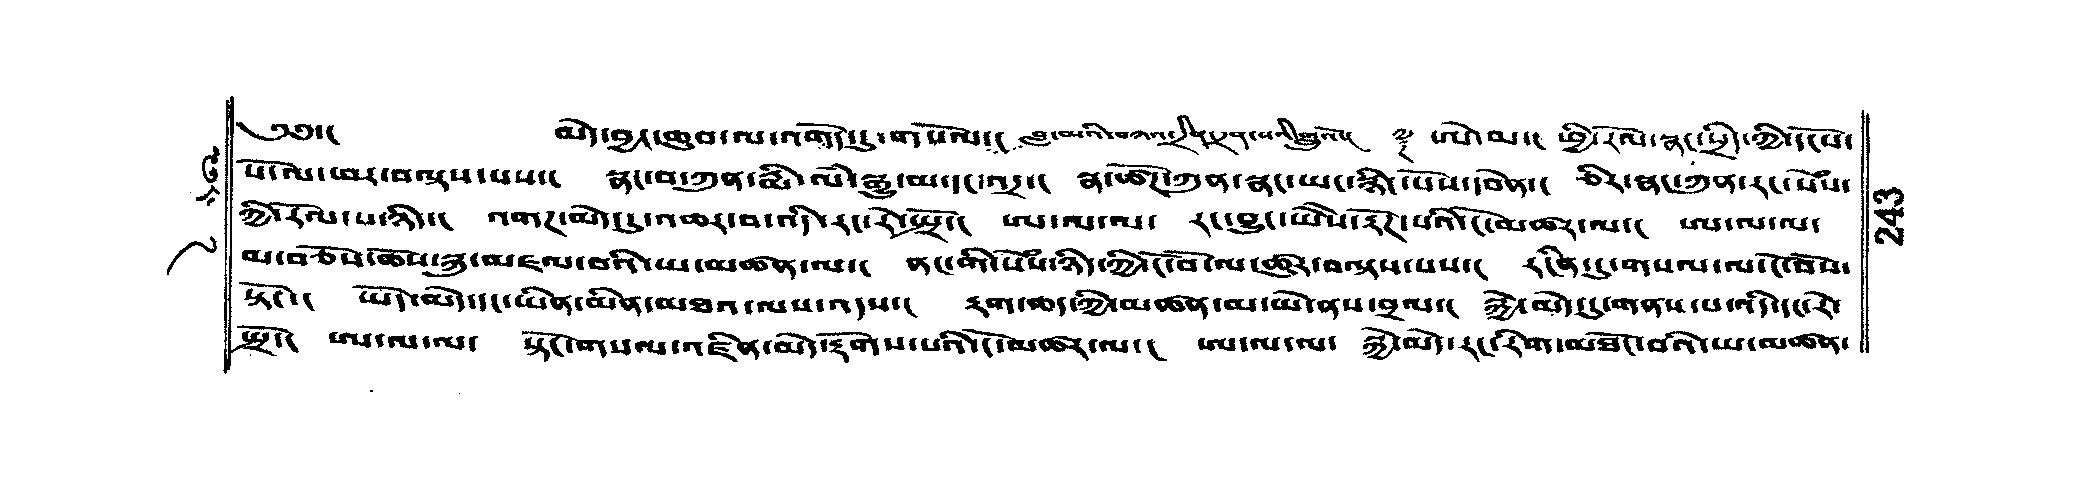མེད་བྱང་ཆུབ་ལ་འགོད་དུ་གསོལ། བླ་མའི་བཀའ་དྲིན་དྲན་པའི་གླུའོ།། ༈ ཨེ་མ། ཕྱི་རོལ་སྣང་སྲིད་ཀྱི་དངོས་
པོ་ལ་ཕར་བལྟས་པས། །སྣང་བ་ཀུན་རྨི་ལམ་སྒྱུ་མ་དང་འདྲ། །སྣ་ཚོགས་ཀུན་སྣང་ཡང་སྙིང་པོས་དབེན། །ཅིར་སྣང་ཀུན་རང་སེམས་
ཀྱི་རོལ་པ་ཉིད། །འགགས་མེད་དུ་འཆར་བ་འདི་རང་རེ་སྤྲོ། ཨ་ལ་ལ། རང་བྱུང་ཡེ་ཤེས་རྟོགས་པའི་ངོ་མཚར་ལ། ཨ་ལ་ལ། 
མ་བཅོས་ཆོས་སྐུ་མཇལ་བའི་ཡ་མཚན་ལ། །ནང་གི་སེམས་ཉིད་ཀྱི་ངོ་བོ་ལ་ཚུར་བལྟས་པས། །རང་བཞིན་དུ་གསལ་ལ་ངོ་བོས་
སྟོང་། །ཡོད་མེད་དང་ཡིན་མིན་མཐའ་ལས་འདས། །རྟག་ཆད་ཀྱི་མཚན་མ་ཡེ་ནས་བྲལ། །སྐྱེ་མེད་དུ་གནས་པ་འདི་དང་རེ་
སྤྲོ། ཨ་ལ་ལ། སྟོང་གསལ་འཛིན་མེད་རྟོགས་པའི་ངོ་མཚར་ལ། ཨ་ལ་ལ། སྐྱེ་མེད་རང་རིག་མཐོང་བའི་ཡ་མཚན་